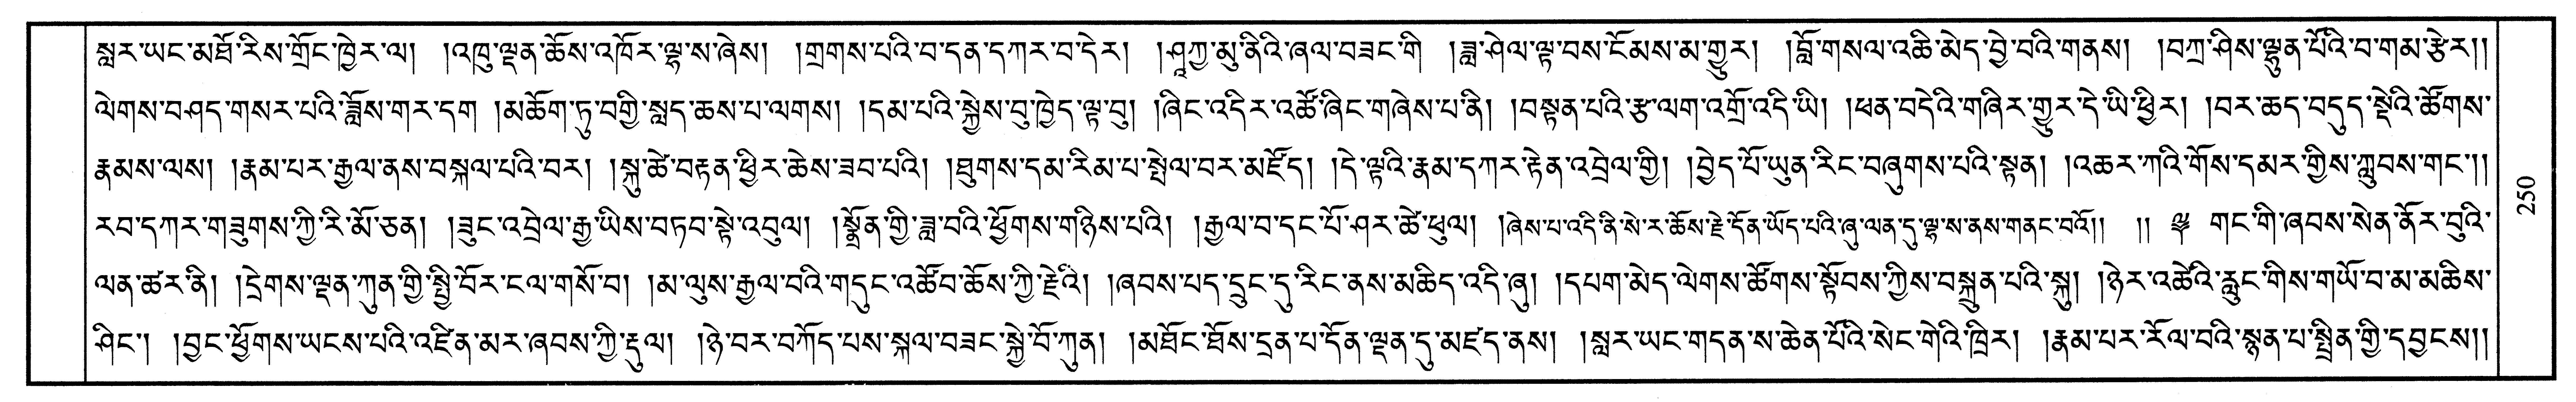སླར་ཡང་མཐོ་རིས་གྲོང་ཁྱེར་ལ། །འཁུ་ལྡན་ཆོས་འཁོར་ལྷ་ས་ཞེས། །གྲགས་པའི་བ་དན་དཀར་བ་དེར། །ཤཱཀྱ་མུ་ནིའི་ཞལ་བཟང་གི །ཟླ་ཤེལ་ལྟ་བས་ངོམས་མ་གྱུར། །བློ་གསལ་འཆི་མེད་བྱེ་བའི་གནས། །བཀྲ་ཤིས་ལྷུན་པོའི་བ་གམ་རྩེར།།
ལེགས་བཤད་གསར་པའི་ཟློས་གར་དག །མཆོག་ཏུ་བགྱི་སླད་ཆས་པ་ལགས། །དམ་པའི་སྐྱེས་བུ་ཁྱེད་ལྟ་བུ། །ཞིང་འདིར་འཚོ་ཞིང་གཞེས་པ་ནི། །བསྟན་པའི་རྩ་ལག་འགྲོ་འདི་ཡི། །ཕན་བདེའི་གཞིར་གྱུར་དེ་ཡི་ཕྱིར། །བར་ཆད་བདུད་སྡེའི་ཚོགས་
རྣམས་ལས། །རྣམ་པར་རྒྱལ་ནས་བསྐལ་པའི་བར། །སྐུ་ཚེ་བརྟན་ཕྱིར་ཆེས་ཟབ་པའི། །ཐུགས་དམ་རིམ་པ་སྤེལ་བར་མཛོད། །དེ་ལྟའི་རྣམ་དཀར་རྟེན་འབྲེལ་གྱི། །བྱེད་པོ་ཡུན་རིང་བཞུགས་པའི་སྟན། །འཆར་ཀའི་གོས་དམར་གྱིས་ཀླུབས་གང།།
རབ་དཀར་གཟུགས་ཀྱི་རི་མོ་ཅན། །ཟུང་འབྲེལ་རྒྱ་ཡིས་བཏབ་སྟེ་འབུལ། །སྣྲོན་གྱི་ཟླ་བའི་ཕྱོགས་གཉིས་པའི། །རྒྱལ་བ་དང་པོ་ཤར་ཚེ་ཕུལ། །ཞེས་པ་འདི་ནི་སེ་ར་ཆོས་རྗེ་དོན་ཡོད་པའི་ཞུ་ལན་དུ་ལྷ་ས་ནས་གནང་བའོ།། །། ༈ གང་གི་ཞབས་སེན་ནོར་བུའི་
ལན་ཚར་ནི། །དྲེགས་ལྡན་ཀུན་གྱི་སྤྱི་བོར་ངལ་གསོ་བ། །མ་ལུས་རྒྱལ་བའི་གདུང་འཚོབ་ཆོས་ཀྱི་རྗེའི། །ཞབས་པད་དྲུང་དུ་རིང་ནས་མཆིད་འདི་ཞུ། །དཔག་མེད་ལེགས་ཚོགས་སྟོབས་ཀྱིས་བསྐྲུན་པའི་སྐུ། །ཉེར་འཚེའི་རླུང་གིས་གཡོ་བ་མ་མཆིས་
ཤིང་། །བྱང་ཕྱོགས་ཡངས་པའི་འཛིན་མར་ཞབས་ཀྱི་རྡུལ། །ཉེ་བར་བཀོད་པས་སྐལ་བཟང་སྐྱེ་བོ་ཀུན། །མཐོང་ཐོས་དྲན་པ་དོན་ལྡན་དུ་མཛད་ནས། །སླར་ཡང་གདན་ས་ཆེན་པོའི་སེང་གེའི་ཁྲིར། །རྣམ་པར་རོལ་བའི་སྙན་པ་སྤྲིན་གྱི་དབྱངས།།